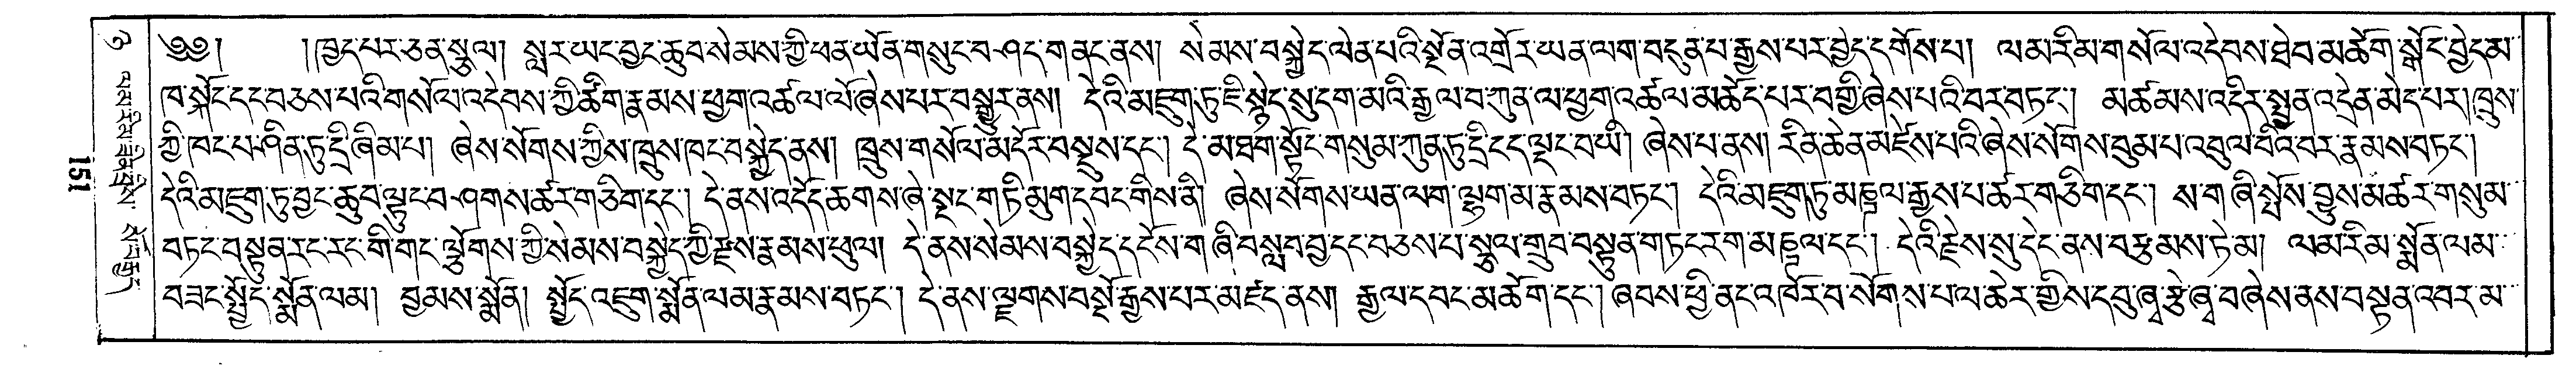༄༅། །ཁྱད་པར་ཅན་སྩལ། སླར་ཡང་བྱང་ཆུབ་སེམས་ཀྱི་ཕན་ཡོན་གསུང་བཤད་གནང་ནས། སེམས་བསྐྱེད་ལེན་བའི་སྔོན་འགྲོར་ཡན་ལག་བདུན་བ་རྒྱས་པར་བྱེད་དགོས་ལ། ལམ་རིམ་གསོལ་འདེབས་ཐེག་མཆོག་སྒོ་འབྱེད་མ་
ཁ་སྒོང་དང་བཅས་པའི་གསོལ་འདེབས་ཀྱི་ཚིག་རྣམས་ཕྱག་འཚལ་ལོ་ཞེས་པར་བསྒྱུར་ནས། དེའི་མཇུག་ཏུ་ཇི་སྙེད་སུ་དག་མའི་རྒྱལ་བ་ཀུན་ལ་ཕྱག་འཚལ་མཆོད་པར་བགྱི་ཞེས་པའི་བར་བཏང་། མཚམས་འདིར་སྤྱན་འདྲེན་མེད་པར། ཁྲུས་
ཀྱི་ཁང་པ་ཤིན་ཏུ་དྲི་ཞིམ་པ། ཞེས་སོགས་ཀྱིས་ཁྲུས་ཁང་བསྐྱེད་ནས། ཁྲུས་གསོལ་མདོར་བསྡུས་དང་། དེ་མ་ཐག་སྟོང་གསུམ་ཀུན་ཏུ་དྲི་ངད་ལྡང་བ་ཡི། ཞེས་པ་ནས། རིན་ཆེན་མཛེས་པའི་ཞེས་སོགས་བུམ་བ་འབུལ་བའི་བར་རྣམས་བཏང་།
དེའི་མཇུག་ཏུ་བྱང་ཆུབ་ལྟུང་བཤགས་ཚར་གཅིག་དང་། དེ་ནས་འདོད་ཆགས་ཞེ་སྡང་གཏི་མུག་དབང་གིས་ནི། ཞེས་སོགས་ཡན་ལག་ལྷག་མ་རྣམས་བཏང་། དེའི་མཇུག་ཏུ་མཎྜལ་རྒྱས་བ་ཚར་གཅིག་དང་། ས་གཞི་སྤོས་བྱུག་མཚར་གསུམ་
བཏང་བསྟུན་རང་རང་གི་གང་ལྕོགས་ཀྱི་སེམས་བསྐྱེད་ཀྱི་རྫས་རྣམས་ཕུལ། དེ་ནས་སེམས་བསྐྱེད་དངོས་གཞི་བསླབ་བྱ་དང་བཅས་པ་སྩལ་གྲུབ་བསྟུན་གཏང་རག་མཎྜལ་དང་། དེའི་རྗེས་སུ་དེང་ནས་བརྩམས་ཏེ་མ། ལམ་རིམ་སྨོན་ལམ་
བཟང་སྤྱོད་སྨོན་ལམ། བྱམས་སྨོན། སྤྱོད་འཇུག་སྨོན་ལམ་རྣམས་བཏང་། དེ་ནས་ལྗགས་བསྔོ་རྒྱས་པར་མཛད་ནས། རྒྱལ་དབང་མཆོག་དང་། ཞབས་ཕྱི་ནང་འཁོར་བ་སོགས་ཕལ་ཆེར་གྱིས་དབུ་ཞྭ་རྩེ་ཞྭ་བཞེས་ནས་བསྟན་འབར་མ་